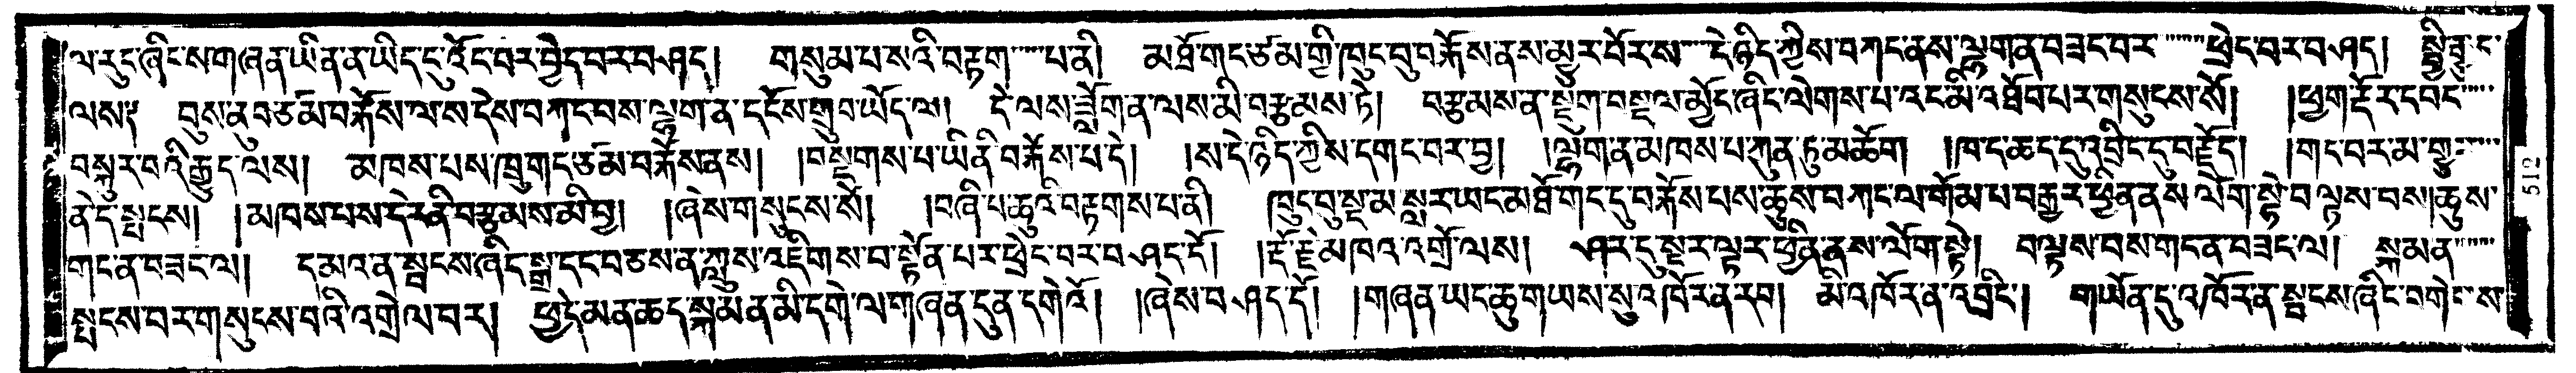ལ་རུང་ཞིང་ས་གཞན་ཡིན་ན་ཡིད་དུ་འོང་བར་བྱེད་པར་བཤད། གསུམ་པ་སའི་བརྟག་པ་ནི། མཐོ་གང་ཙམ་གྱི་ཁུང་བུ་བརྐོས་ནས་མྱུར་བོར་ས་དེ་ཉིད་ཀྱིས་བཀང་ནས་ལྷག་ན་བཟང་བར་ཕྲེང་བར་བཤད། སྦྱི་རྒྱུང?
ལས། བུས་ནུ་བཙམ་བརྐོས་ལ་ས་དེས་བཀང་བས་ལྷག་ན་དངོས་གྲུབ་ཡོད་ལ། དེ་ལས་ཟློག་ན་ལས་མི་བརྩམས་ཏེ། བརྩམས་ན་སྡུག་བསྔལ་མྱོང་ཞིང་ལེགས་པ་འང་མི་འཐོབ་པར་གསུངས་སོ། །ཕྱག་རྡོར་དབང་
བསྐུར་བའི་རྒྱུད་ལས། མཁས་པས་ཁྲུ་གང་ཙམ་བརྐོས་ནས། །བསྡུགས་པ་ཡི་ནི་བརྐོས་པ་དེ། །ས་དེ་ཉིད་ཀྱིས་དགང་བར་བྱ། །ལྷག་ན་མཁས་པ་ཀུན་ཏུ་མཆོག །ཁ་ང་ཆད་དུ་འབྲིང་དུ་བརྗོད། །གང་བར་མ་གྱུར་
ནེད་སྤངས། །མཁས་པས་དེར་ནི་བརྩམས་མི་བྱ། །ཞེས་གསུངས་སོ། །བཞི་པ་ཆུའི་བརྟགས་པ་ནི། ཁུང་བུ་སྔ་མ་སླར་ཡང་མཐོ་གང་དུ་བརྐོས་པས་ཆུས་བཀང་ལ་གོམ་པ་བརྒྱར་ཕྱིན་ནས་ལོག་སྟེ་བ་ལྟས་བས། ཆུས་
གང་ན་བཟང་ལ། དམའ་ན་སྦངས་ཞིང་སྒྲ་དང་བཅས་ན་ཀླུས་འཇིགས་བ་སྟོན་པར་ཕྲེང་བར་བཤད་དོ། །རྡོ་རྗེ་མཁའ་འགྲོ་ལས། ཤར་དུ་སྔར་ལྟར་ཕྱིན་ནས་ལོག་སྟེ། བལྟས་བས་གང་ན་བཟང་ལ། སྐ་མན་
སྤངས་བར་གསུངས་པའི་འགྲེལ་བར། ཕྱེད་མན་ཆད་སྐམ་ན་མི་དགེ་ལ་གཞན་དུན་དགེའོ། །ཞེས་བཤད་དོ། །གཞན་ཡང་ཆུ་གཡས་སུ་འཁོར་ན་རབ། །མི་འཁོར་ན་འབྲིང་། གཡོན་དུ་འཁོར་ན་སྦངས་ཞིང་བགེབས་